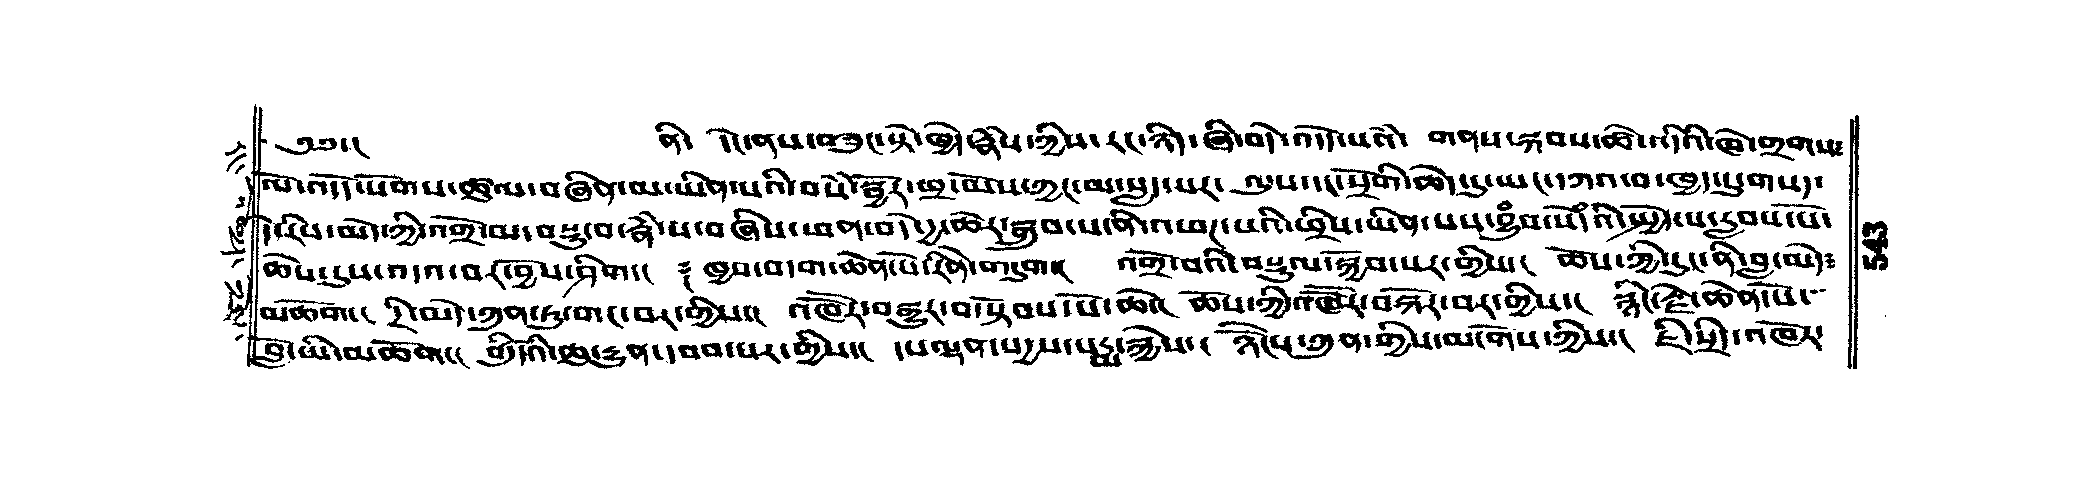ནི། དེང་ནས་བཟུང་སྟེ་ཁྱོད་རྣམས་ཀྱིས་རང་ཉིད་ཞི་བདེ་འདོད་པའམ། གནས་སྐབས་ཚེ་འདིའི་ཁེ་གྲགས་
ལོ་འདོད་སོགས་ཚུལ་བཞིན་མ་ཡིན་པའི་བསམ་སྦྱོར་ཕྲ་མོས་ཀྱང་མ་བསླད་པར། ལུས་དང་སྲོག་གི་ཆེད་དུ་ཡང་དཀའ་བ་ཁྱད་དུ་གསད་
དེ་རིས་མེད་ཀྱི་འགྲོ་བ་བསྡུ་བ་རྣམ་པ་བཞིས་ཕན་བདེ་རྒྱ་ཆེར་སྒྲུབ་པ་ནི་འཕགས་པའི་ཕྲིན་ལས་ཡིན་པས་བྱང་ཆུབ་སེམས་དཔའི་སྤྱོད་པ་རླབས་པོ་
ཆེས་དུས་འདའ་བར་བྱོས་ཤིག ཁྱབ་བདག་ཆེན་པོ་རིན་ཆེན་གདུག །འགྲོ་བའི་སྡུག་བསྔལ་སྐྱོབ་པར་གྱིས། །ཆོས་ཀྱི་དུང་ནི་བླ་མེད་
མཆོག །དྲི་མེད་ཀུནཏུ་གང་བར་གྱིས། །འཁོར་ལོ་བསྒྱུར་བ་སྟོབས་པོ་ཆེ། །ཆོས་ཀྱི་འཁོར་ལོ་བསྐོར་བར་གྱིས། །སྙིང་རྗེ་ཆེན་པོ་
བློ་ཡི་མཆོག །བདུད་རྩི་ཆུ་རྒྱུན་དབབ་པར་གྱིས། །དཔལ་ལྡན་སངས་རྒྱས་པདྨ་སྐྱེས། །ཉོན་མོངས་ཀུན་གྱིས་མ་གོས་ཀྱིས། །ཇི་སྲིད་འཁོར་